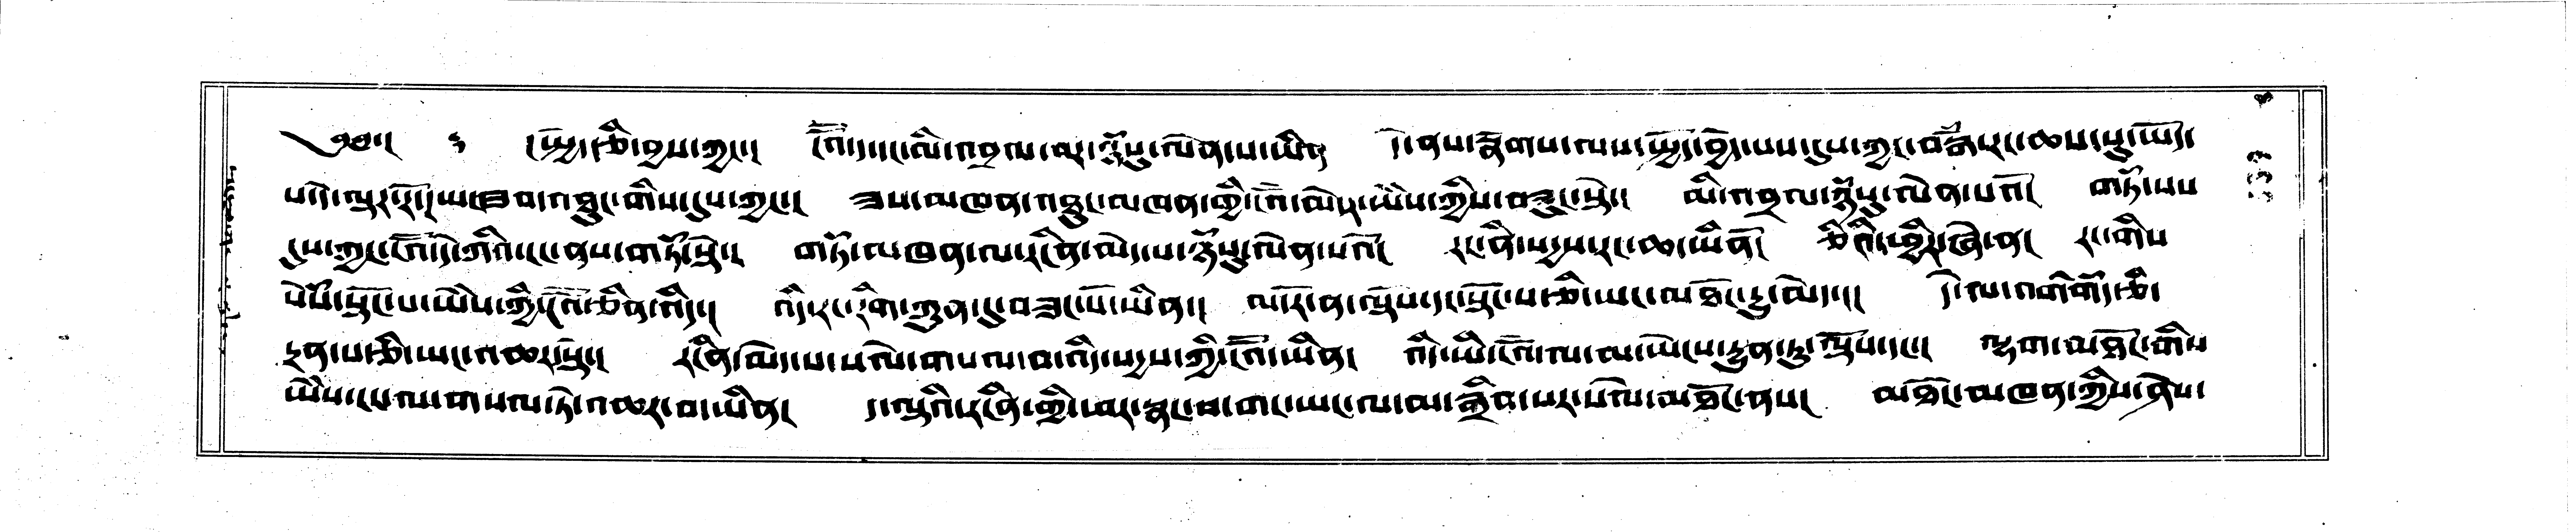སྤྱོད་ཅི་བྱེད་ཀྱང་། ངོའོ་དེ་དང་མི་འབྲལ་བར་ཉམས་སུ་ལེན་པའོ། དེ་ནས་སྣ་ཚོགས་ལས་སྤྱོད་བྱེད་པའི་དུས་ཀྱང་། བྷོམ་(སྒོམ)རང་ཆས་སུ་ཡོད་
པ་ནི་དེ་ལྟར་རོ། ཡང་ཟ་འཐུང་གིས་དུས་ཀྱང་། ཟ་མཁན་འཐུང་མཁན་གྱིས་ངོའོ་ལ་རང་བཞིན་མེད་པར་ཡེ་ཤེས་སུ་ངོས་ཀྱིས་བཟུང་སྟེ། མི་འབྲལ་ཉམས་སུ་ལེན་པའོ། གཏམ་པའི་
དུས་ཀྱང་ངོའོ་དེ་ཀའི་ངང་ནས་གཏམ་སྟེ། གཏམ་མཁན་ལ་རང་བཞིན་མེད་པར་ཉམས་སུ་ལེན་པའོ། རང་ནི་སངས་རྒྱས་རང་ཆས་ཡིན་ནོ། ཅིའི་ཕྱིར་ཞེ་ན། རང་གིས་
སེམས་སྟོང་པ་ཡེ་ཤེས་ཀྱི་སྙིང་པོ་ཅན་འདི་ནི། རང་རིག་ཀུན་ཏུ་བཟང་པོ་ཡིན། མདོར་ན་ལྟོས་དང་། སྟོང་པ་ཡིན་པས་ཅི་ཡང་མཐོང་རྒྱུ་མེད། དེ་ལ་གྷག་(འགག)མེད་ཀྱི་དྲན་པ་ཅི་
ཡང་འཆར་ཏེ། རང་བཞིན་མེད་པར་སལེ་གསལ་བ་འདི་སངས་རྒྱས་ཀྱི་ངོའོ་ཡིན། འདིའི་ངོའོ་ལ་མ་ཡེངས་པར་རྒྱུན་དུ་ལྟོས་དང་། ལྷག་མཐོང་གིས་
ཡེ་ཤེས་ངང་ལ་གསལ་ཏེ་འཆར་བ་ཡིན། ད་ལྟ་རང་གིས་ཕར་སྣང་གིས་༼གི༽སྣང་བ་གང་ཡང་མ་བསྒྲིབ་པར་སལེ་གསལ་བ་མཐོང་ན། མཐོང་མཁན་གྱིས་ཤེས་